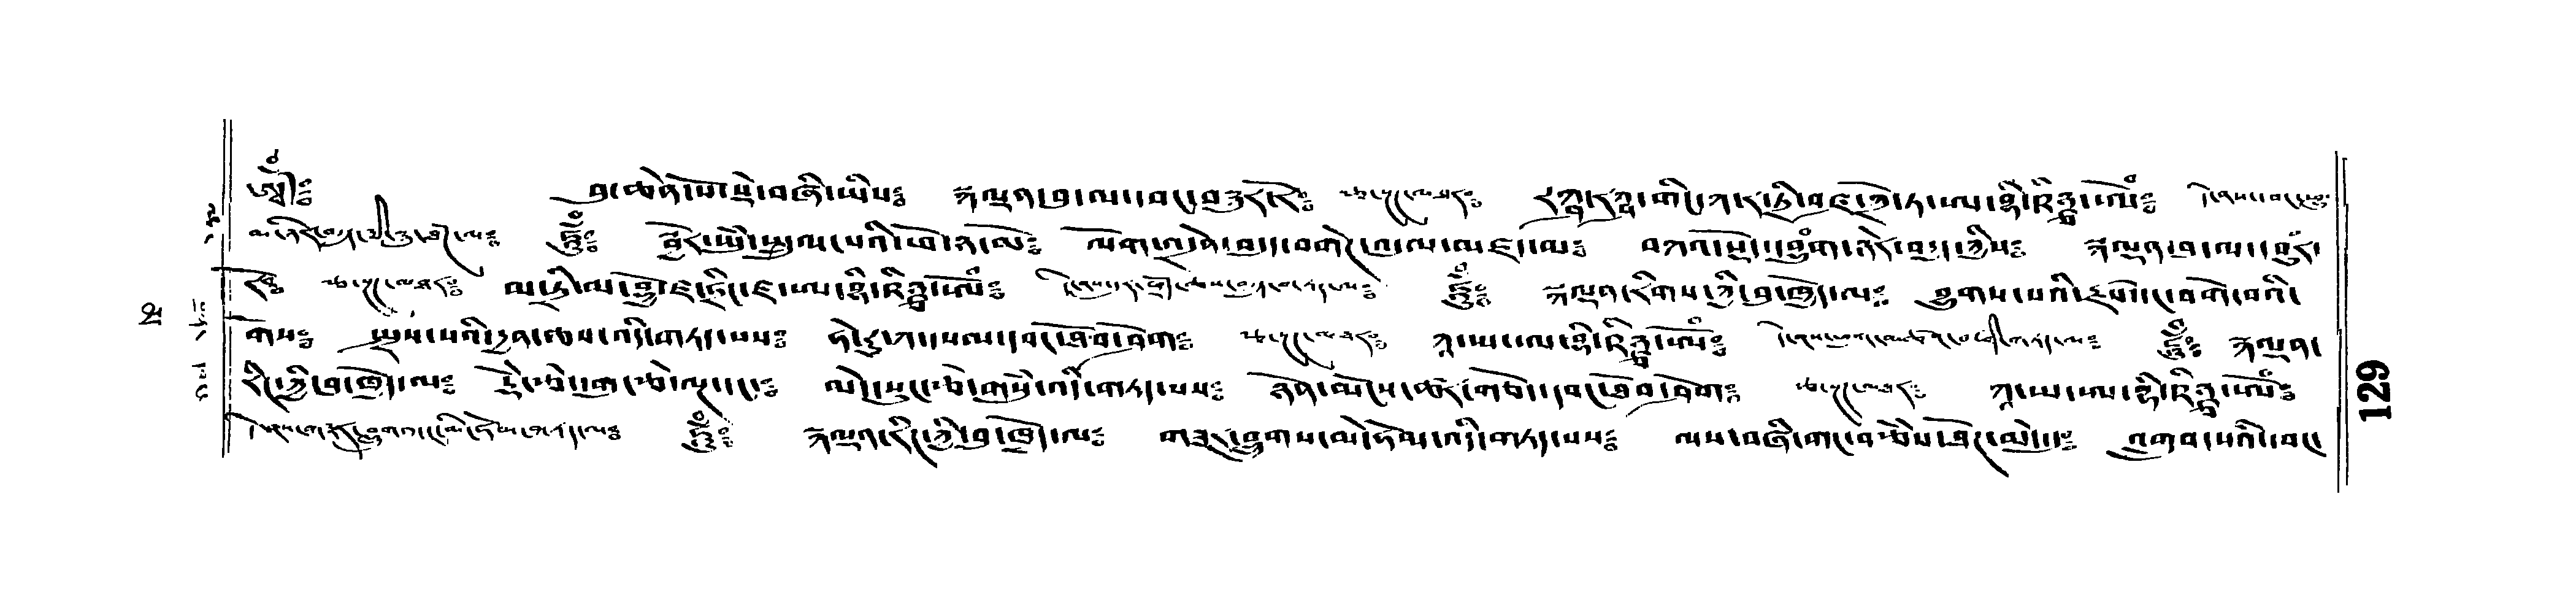བུ་ཆེན་པོ་སྡེ་བཞི་ཡིས༔ སྐལ་ལྡན་བུ་ལ་དབང་བསྐུར་རོ༔ རྩ་སྔགས་མཐར༔ རཀྴ་རཀྴ་གིང་ཀ་ར་ཏྲི་བཛྲ་ཀྲོ་ཏ་ཨ་བྷི་རིཉྩ་ཨོཾ༔ དེ་ནས་དབང་ཕྱུག་
མ་ཉེར་བརྒྱད་ཀྱི་སྐུ་ཐོགས་ལ༔ ཧཱུྃ༔ སྦྱོར་ཡུམ་སྤྲུལ་པའི་ཕོ་ཉ་མོ༔ ལོག་འདྲེན་བདུད་བགེགས་འདུལ་མཛད་མ༔ བཀའ་སྡོད་དབང་ཕྱུག་ཉེར་བརྒྱད་ཀྱིས༔ སྐལ་ལྡན་བུ་ལ་དབང་བསྐུར་
རོ༔ རྩ་སྔགས་མཐར༔ མ་ཏྲི་མ་བྷྱོ་ཛ་ཧྲིང་ཛ་ཨ་བྷི་རིཉྩ་ཨོཾ༔ དེ་ནས་དུར་ཁྲོད་ཆས་བརྒྱད་གཏད་ལ༔ ཧཱུྃ༔ སྐལ་ལྡན་རིགས་ཀྱི་བུ་ཁྱོད་ལ༔ བྱུག་པའི་རྫས་དང་བགོ་བའི་
གོས༔ སྤྲས་པའི་རྒྱན་ཆས་འདི་གཏད་པས༔ ཧེ་རུ་ཀ་དཔལ་དབང་ཐོབ་ཤོག༔ རྩ་སྔགས་མཐར༔ ཀཱ་ཡ་ཨ་བྷི་རིཉྩ་ཨོཾ༔ དེ་ནས་ཕྱག་མཚན་བཞི་གཏད་ལ༔ ཧཱུྃ༔ སྐལ་ལྡན་
རིགས་ཀྱི་བུ་ཁྱོད་ལ༔ རྡོ་རྗེ་རྩེ་དགུ་རྩེ་ལྔ་དང༔ མེ་དཔུང་རྩེ་གསུམ་འདི་གཏད་པས༔ ཉོན་མོངས་ཚར་གཅོད་དབང་ཐོབ་ཤོག༔ རྩ་སྔགས་མཐར༔ ཀཱ་ཡ་ཨ་བྷི་རིཉྩ་ཨོཾ༔ 
དེ་ནས་གཟར་བླུགས་དང་མེ་ཧོམ་གཏད་ལ༔ ཧཱུྃ༔ སྐལ་ལྡན་རིགས་ཀྱི་བུ་ཁྱོད་ལ༔ གཟར་བླུགས་མེ་ཧོམ་འདི་གཏད་པས༔ ལས་བཞི་གང་བརྩམས་ཐོགས་མེད་དུ༔འགྲུབ་པའི་དབང་